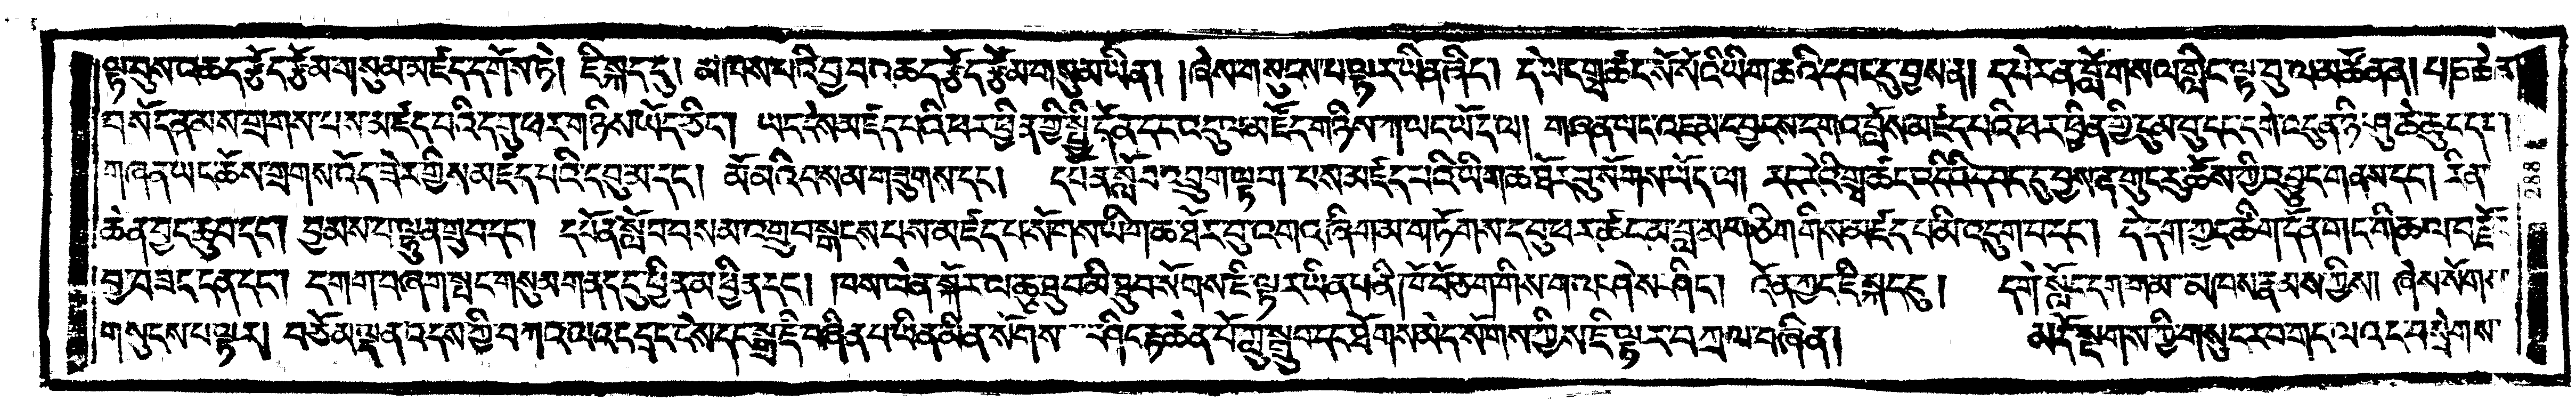ལྟ་བུས་འཆད་རྩོད་རྩོམ་གསུམ་མཛད་དགོས་ཏེ། ཇི་སྐད་དུ། མཁས་པའི་བྱ་བ་འཆད་རྩོད་རྩོམ་གསུམ་ཡིན། །ཞེས་གསུངས་པ་ལྟར་ཡིན་ཞིང་། དེ་ཡང་གྲྭ་ཚང་སོ་སོའི་ཡིག་ཆའི་དབང་དུ་བྱས་ན། དཔེར་ན་བློ་གསལ་གླིང་ལྟ་བུ་ལ་མཚོན་ན། པཎ་ཆེན་
བསོད་ནམས་གྲགས་པས་མཛད་པའི་དབུ་ཕར་གཉིས་ཡོད་ཅིང་། ཡང་ངེས་མཛད་པའི་ཕར་ཕྱིན་གྱི་སྤྱི་དོན་དང་འདུལ་མཛོད་གཉིས་ཀ་ཡང་ཡོད་ལ། གཞན་ལང་འཇམ་དབྱངས་དགའ་བློས་མཛད་པའི་ཕར་ཕྱིན་གྱི་དུམ་བུ་དང་དགེ་འདུན་ཉི་ཤུ་ཆེ་ཆུང་དང་།
གཞན་ཡང་ཆོས་གྲགས་འོད་ཟེར་གྱིས་མཛད་པའི་དབུ་མ་དང་། མོ་མའི་བསམ་གཟུགས་དང་། དཔོན་སློབ་འབྲུག་ལྟར་བས་མཛད་པའི་ཡིག་ཆ་ཐོར་བུ་སོགས་ཡོད་ལ། རང་རེའི་གྲྭ་ཚང་འདིའི་དབང་དུ་བྱས་ན་གུང་རུ་ཆོས་ཀྱི་འབྱུང་གནས་དང་། རིན་
ཆེན་བྱང་ཆུབ་དང་། བྱམས་པ་ལྷུན་གྲུབ་དང་། དཔོན་སློབ་བསམ་འགྲུབ་སྒངས་པས་མཛད་པ་སོགས་ཡིག་ཆ་ཐོར་བུ་འགའ་ཞིག་མ་གཏོགས་དབུ་ཕར་ཚང་མ་བླ་མ་གཅིག་གིས་མཛད་པ་མི་འདུག་པ་དང་། དེ་དག་ཀྱང་ཚིག་དོན་གང་གི་ཆལ་བརྗོད་
བྱ་བཟང་དན་དང་། དགག་བཞག་སྤང་གསུམ་གནད་དུ་ཕྱིན་མ་ཕྱིན་དང་། ཁས་ལེན་སྐོར་ལ་ཆུ་ཐུབ་མི་ཐུབ་སོགས་ཇི་ལྟར་ཡིན་པ་ནི་ཁོ་བོ་ཅག་གིས་ག་ལ་ཤེས་ཤིང་། འོན་ཀྱང་ཇི་སྐད་དུ། དགེ་སློང་དག་གམ་མཁས་རྣམས་ཀྱིས། ཞེས་སོགས་
གསུངས་པ་ལྟར། བཅོམ་ལྡན་འདས་ཀྱི་བཀའ་ལའང་དྲང་ངེས་དང་སྒྲ་ཇི་བཞིན་པ་ཡིན་མིན་སོགས་ཤིང་རྟ་ཆེན་པོ་ཀླུ་སྒྲུབ་དང་ཐོགས་མེད་སོགས་ཀྱིས་ཇི་ལྟར་བཀྲལ་བཞིན། མདོ་སྔགས་ཀྱི་གསུང་རབ་གང་ལའང་བསྲེགས་